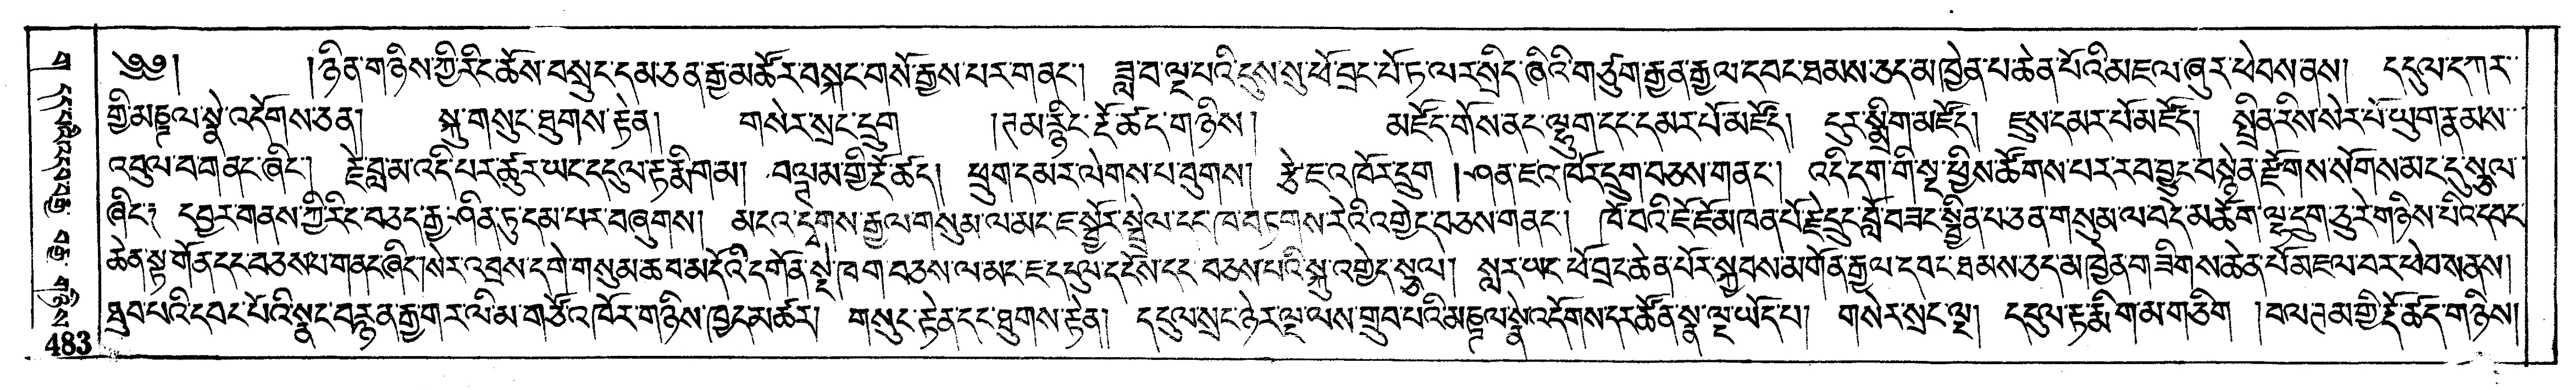༄༅། །ཉིན་གཉིས་ཀྱི་རིང་ཆོས་བསྲུང་དམ་ཅན་རྒྱ་མཚོར་བསྐང་གསོ་རྒྱས་པར་གནང་། ཟླ་བ་ལྔ་པའི་དུས་སུ་ཕོ་བྲང་པོ་ཏ་ལར་སྲིད་ཞིའི་གཙུག་རྒྱན་རྒྱལ་དབང་ཐམས་ཅད་མཁྱེན་པ་ཆེན་པོའི་མཇལ་ཞུར་ཕེབས་ནས། དངུལ་དཀར་
གྱི་མཎྜལ་སྣེ་འདོགས་ཅན། སྐུ་གསུང་ཐུགས་རྟེན། གསེར་སྲང་དྲུག །ཊམ་རྙིང་རྡོ་ཚད་གཉིས། མཛོད་གོས་མང་ལྷུག་དང་དམར་པོ་མཛོད། དུར་སྨྲིག་མཛོད། ཇུས་དམར་པོ་མཛོད། སྤྲིན་རིས་སེར་པོ་ཡུག་རྣམས་
འབུལ་བ་གནང་ཞིང་། རྗེ་བླ་མ་འདི་བར་ཚུར་ཡང་དངུལ་རྟ་རྨིག་མ། བལྚམ་གྱི་རྡོ་ཚད། ཕྲུག་དམར་ལེགས་པ་བུགས། རྩེ་ཇ་འཁོར་དྲུག །ཤན་ཇ་འཁོར་དྲུག་བཅས་གནང་། འདི་དག་གི་སྔ་ཕྱི་སྣ་ཚོགས་པར་རབ་བྱུང་བསྙེན་རྫོགས་སོགས་མང་དུ་སྩལ་
ཞིང༑ དབྱར་གནས་ཀྱི་རིང་བཅད་རྒྱ་ཤིན་ཏུ་དམ་པར་བཞུགས། མངའ་དྭགས་རྒྱལ་གསུམ་ལ་མང་ཇ་སྦྱོར་སྦྲེལ་དང་ཁ་བཏགས་རེའི་འགྱེད་བཅས་གནང་། ཁོ་བོའི་ཇོ་ཇོ་མཁན་པོ་རྗེ་དྲུང་བློ་བཟང་སྦྱིན་པ་ཅན་གསུམ་ལ་བདེ་མཆོག་ལྷ་དྲུག་ཅུ་རེ་གཉིས་པའི་དབང་
ཆེན་སྟ་གོན་དང་བཅས་པ་གནང་ཞིང་སེར་འབྲས་དགེ་གསུམ་ཆབ་མདོའི་དགོན་སྔེ་ཁག་བཅས་ལ་མང་ཇ་དངུལ་དངོས་དང་བཅས་པའི་སྐུ་འགྱེད་སྩལ། སླར་ཡང་ཕོ་བྲང་ཆེན་པོར་སྐྱབས་མགོན་རྒྱལ་དབང་ཐམས་ཅད་མཁྱེན་གཟིགས་ཆེན་པོ་མཇལ་བར་ཕེབས་ནས།
ཐུབ་པའི་དབང་པོའི་སྣང་བརྙན་རྒྱ་གར་ལི་མ་གཙོ་འཁོར་གཉིས་ཁྱད་མཚར། གསུང་རྟེན་དང་ཐུགས་རྟེན། དངུལ་སྲང་ཉེར་ལྔ་ལས་གྲུབ་པའི་མཎྜལ་སྣེ་འདོགས་དར་ཚོན་སྣ་ལྔ་ཡོད་པ། གསེར་སྲང་ལྔ། དངུལ་རྟ་རྨིག་མ་གཅིག །བལ་ཊམ་གྱི་རྡོ་ཚད་གཉིས།